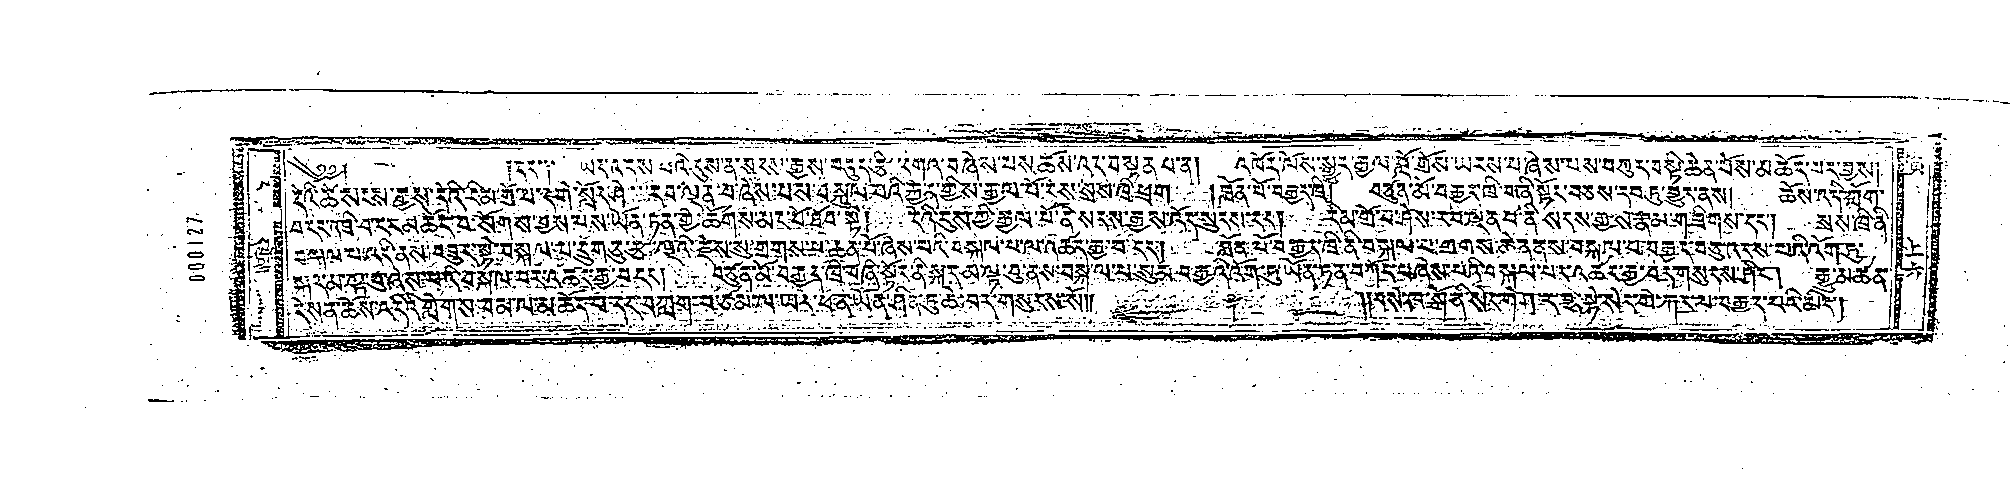༄༅། །དང༑ ཡང་འདས་པའི་དུས་ན་སངས་རྒྱས་བདུད་རྩི་དགའ་བཞེས་པས་ཆོས་འདི་བསྟན་པ་ན། འཁོར་ལོས་སྒྱུར་རྒྱལ་བློ་གྲོས་ཡངས་པ་ཞེས་པས་བཀུར་བ་སྟི་ཆེན་པོས་མཆོད་པར་བྱས།
དེའི་ཚེ་སངས་རྒྱས་དེའི་རིམ་གྲོ་པ་དགེ་སློང་ཤེས་རབ་ལྡན་པ་ཞེས་པས་བསྐུལ་བའི་རྐྱེན་གྱིས་རྒྱལ་པོ་དེས་སྲས་ཁྲི་ཕྲག །བློན་པོ་བརྒྱད་ཁྲི། བཙུན་མོ་བརྒྱང་ཁྲི་བཞི་སྟོང་བཅས་རབ་ཏུ་བྱུང་ནས། ཆོས་འདི་ཀློག་
བ་དང་འབྲི་བ་དང་མཆོད་པ་སོགས་བྱས་པས་ཡོན་ཏན་གྱི་ཚོགས་མང་པོ་ཐོབ་སྟེ། དེའི་དུས་ཀྱི་རྒྱལ་པོ་ནི་སངས་རྒྱས་འོད་སྲུངས་དང་། རིམ་གྲོ་པ་ཤེས་རབ་ལྡན་པ་ནི་སངས་རྒྱས་རྣམ་གཟིགས་དང་། སྲས་ཁྲི་ནེ་
བསྐལ་པ་འདི་ནས་བཟུང་སྟེ་བསྐལ་པ་དྲུག་ཅུ་རྩ་ལྔའི་རྗེས་སུ་གྲགས་པ་ཆེན་པོ་ཞེས་པའི་བསྐལ་པ་ལ་འཚང་རྒྱ་བ་དང་། བློན་པོ་བརྒྱད་ཁྲི་ནི་བསྐལ་པ་གྲགས་ཆེན་ནས་བསྐལ་པ་བརྒྱད་བཅུ་འདས་པའི་འོག་ཏུ་
སྐར་མ་ལྟ་བུ་ཞེས་པའི་བསྐལ་བར་འཚང་རྒྱ་བ་དང་། བཙུན་མོ་བརྒྱད་ཁྲི་བཞི་སྟོང་ནི་སྐར་མ་ལྟ་བུ་ནས་བསྐལ་པ་སུམ་བརྒྱའི་འོག་ཏུ་ཡོན་ཏན་བཀོད་པ་ཞེས་པའི་བསྐལ་པར་འཚང་རྒྱ་བར་གསུངས་ཤིང་། རྒྱུ་མཚན་
དེས་ན་ཆོས་འདིའི་གླེགས་བམ་ལ་མཆོད་པ་དང་བཀླག་པ་ཙམ་ལ་ཡང་ཕན་ཡོན་ཤིན་ཏུ་ཆེ་བར་གསུངས་སོ།། ༈ །།བསེ་ཁ་སྒོ་ནི་སེང་གེ་ཤ་ར་བྷ་སྟེ་སེང་གེ་རྐང་པ་བརྒྱད་པའི་མིང་།